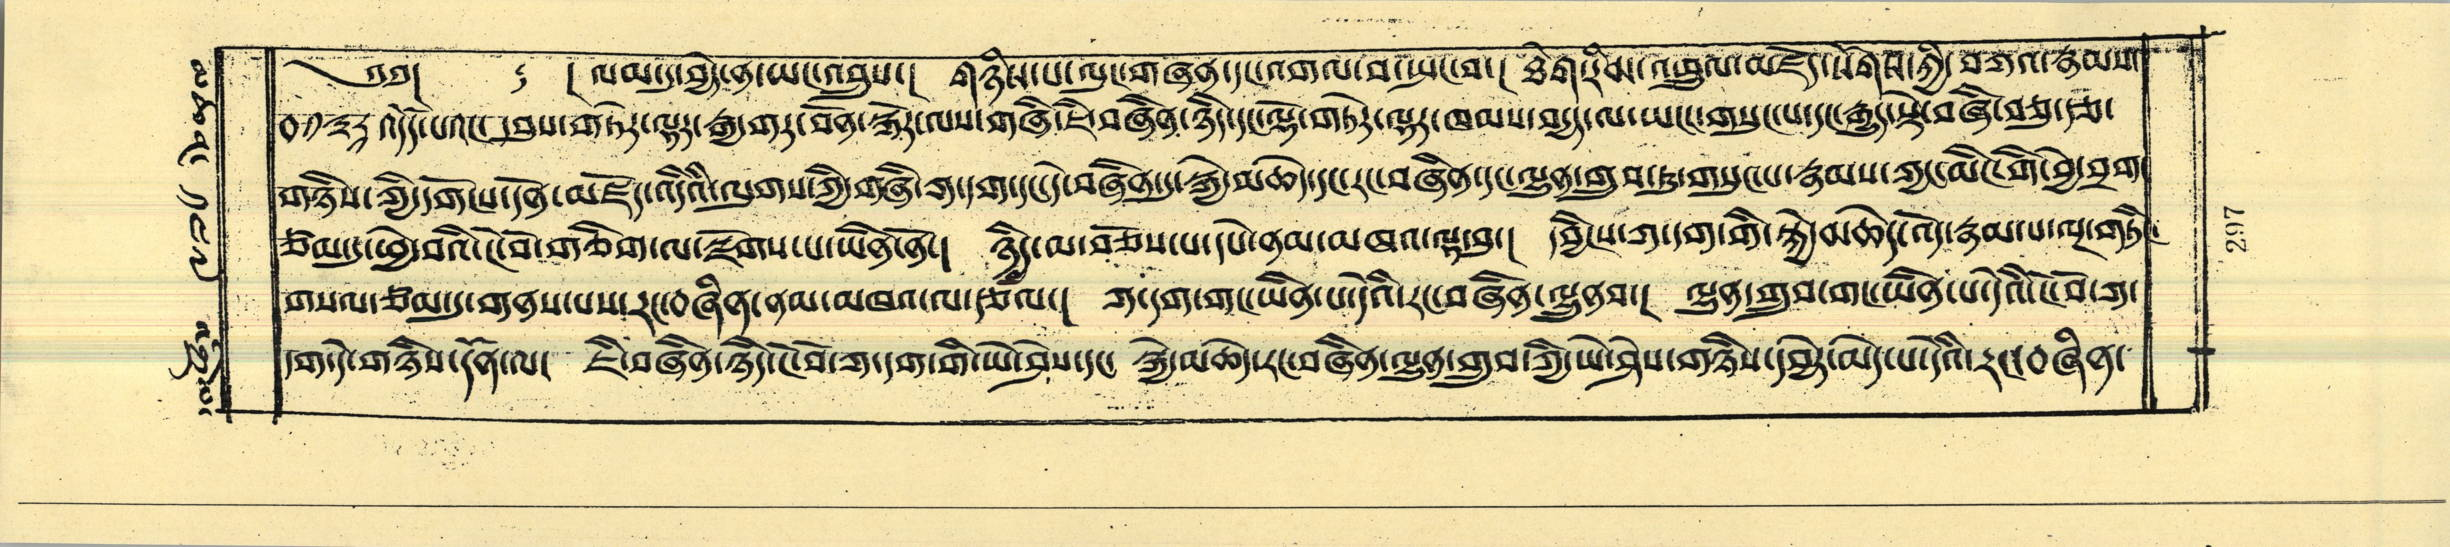ལམ་དུ་བྱེད་ན་ཡང་འབྲས་བུ། ༼གཉིས་པ་༽ལུང་གཞན་དང་འགལ་བ་སྤོང་བ། ༼ཐིག་རིམ་༽འཁྲུལ་མཛོད་ ༼སོགས་ཀྱི་༽བཀའ་རྣམས་བ
༡༣༨།༡ ༼འདོད་པའང་༽དབུས་གཏེར་ལྟར་རྒྱ་གར་བོན་སྐོར་ལས་གཞི་ཇི་བཞིན་ཉིད་དང་ལྷོ་གཏེར་ལྟར་ཁམས་བརྒྱད་ལ་ཡང་ཡང་གསུང་པ་དང་རྒྱུད་སྡེ་བཞི་བཅུ་རྩ་
གཉིས་ཀྱི་དགོངས་དོན་མཛོད་འདིའི་ལུགས་ཀྱི་གཞི་ཀ་དག་དང་དེ་བཞིན་དུ་སྐྱེ་མཆེད་དང་རང་བཞིན་དང་ལྷུན་གྲུབ་ཏུ་གསུང་པ་རྣམས་ཀྱང་མིང་གི་བྱེ་བྲག་
ཙམ་དུ་ཕྱེ་བའི་ངོ་བོ་གཅིག་ལ་སྫོགས་པ་ཡིན་ནོ། ཉིད་མ་བཅོས་པ་དཔེ་ནམ་མཁའ་ལྟ་བུ། དབྱིངས་ཀ་དག་གི་ ༼སྐྱེ་མཆེད་༽འོད་རྣམ་པ་ལྔ་གཏིང་
གསལ་ཙམ་དུ་གནས་པས་ ༼རང་བཞིན་༽ནམ་མཁའ་ལ་རྩལ། ཀ་དག་གང་ཡིན་པ་དེའི་རང་བཞིན་ལྷུན་གྲུབ། ལྷུན་གྲུབ་གང་ཡིན་པ་དེའི་ངོ་བོ་ཀ་
དག་དེ་གཉིས་ ༼དོན་ལ་༽ཇི་བཞིན་ཉིད་ངོ་བོ་ཀ་དག་གི་ཡེ་ཤེས་དང། སྐྱེ་མཆེད་རང་བཞིན་ལྷུན་གྲུབ་ཀྱི་ཡེ་ཤེས་གཉིས་དབྱེར་མེད་པ་དེའི་ ༼རང་བཞིན་༽